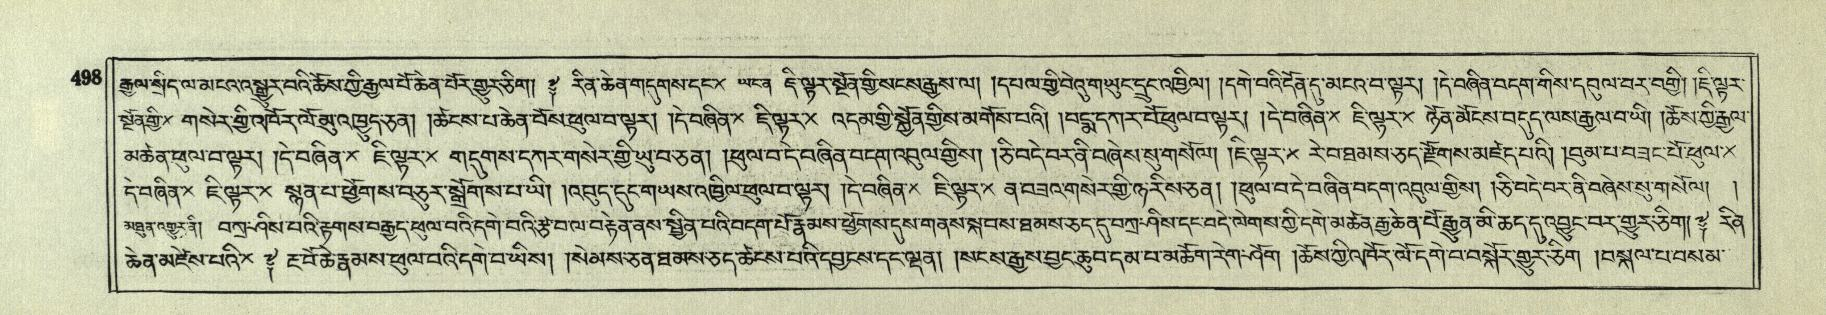རྒྱལ་སྲིད་ལ་མངའ་འྶྒྱུར་བའི་ཆོས་ཀྱི་རྒྱལ་པོ་ཆེན་པོར་གྱུར་ཅིག། འ་རིན་ཆེན་གདུགས་དང་྾་ཡང་ན་ཇི་ལྟར་སྔོན་གྱི་སངས་རྒྱས་ལ། །དཔལ་གྱི་བེའུ་གཡུང་དྲུང་འཁྱིལ། །དགེ་བའི་དོན་དུ་མངའ་བ་ལྟར། །དེ་བཞིན་བདག་གིས་དབུལ་བར་བགྱི། །ཇི་ལྟར་
སྔོན་གྱི་྾་གསེར་གྱི་འཁོར་ལོ་མུ་འཁྱུད་ཅན། །ཚངས་པ་ཆེན་པོས་ཕུལ་བ་ལྟར། །དེ་བཞིན་྾་ཇི་ལྟར་྾་འདམ་གྱི་སྐྱོན་གྱིས་མ་གོས་པའི། །པདམ་དཀར་པོ་ཕུལ་བ་ལྟར། །དེ་བཞིན་྾་ཇི་ལྟར་྾་ཉོན་མོངས་བདུད་ལས་རྒྱལ་བ་ཡི། །ཆོས་ཀྱི་རྒྱལ་
མཚན་ཕུལ་བ་ལྟར། །དེ་བཞིན་྾་ཇི་ལྟར་྾་གདུགས་དཀར་གསེར་གྱི་ཡུ་བ་ཅན། །ཕུལ་བ་དེ་བཞིན་བདག་འབུལ་གྱིས། །ཅི་བདེ་བར་ནི་བཞེས་སུ་གསོལ། །ཇི་ལྟར་྾་རེ་བ་ཐམས་ཅད་རྫོགས་མཛད་པའི། །བུམ་པ་བཟང་པོ་ཕུལ་྾་
དེ་བཞིན་྾་ཇི་ལྟར་྾་སྙན་པ་ཕྱོགས་བཅུར་སྒྲོགས་པ་ཡི། །འབུད་དུང་གཡས་འཁྱིལ་ཕུལ་བ་ལྟར། །དེ་བཞིན་྾་ཇི་ལྟར་྾་ན་བཟའ་གསེར་གྱི་ཉ་རིས་ཅན། །ཕུལ་བ་དེ་བཞིན་བདག་འབུལ་གྱིས། །ཅི་བདེ་བར་ནི་བཞེས་སུ་གསོལ། །
མཐུན་འགྱུར་ནི།  བཀྲ་ཤིས་པའི་རྟགས་བརྒྱད་ཕུལ་བའི་དགེ་བའི་རྩ་བ་ལ་བརྟེན་ནས་སྦྱིན་པའི་བདག་པོ་རྣམས་ཕྱོགས་དུས་གནས་སྐབས་ཐམས་ཅད་དུ་བཀྲ་ཤིས་དང་བདེ་ལེགས་ཀྱི་དགེ་མཚན་རྒྱ་ཆེན་པོ་རྒྱུན་མི་ཆད་དུ་འབྱུང་བར་གྱུར་ཅིག། འ་རིན་
ཆེན་མཛེས་པའི་྾་འ་རྔ་བོ་ཆེ་རྣམས་ཕུལ་བའི་དགེ་བ་ཡིས། །སེམས་ཅན་ཐམས་ཅད་ཚངས་པའི་དབྱངས་དང་ལྡན། །སངས་རྒྱས་བྱང་ཆུབ་དམ་པ་མཆོག་རེག་ཤོག །ཆོས་ཀྱི་འཁོར་ལོ་དགེ་བ་བསྐོར་གྱུར་ཅིག །བསྐལ་པ་བསམ་